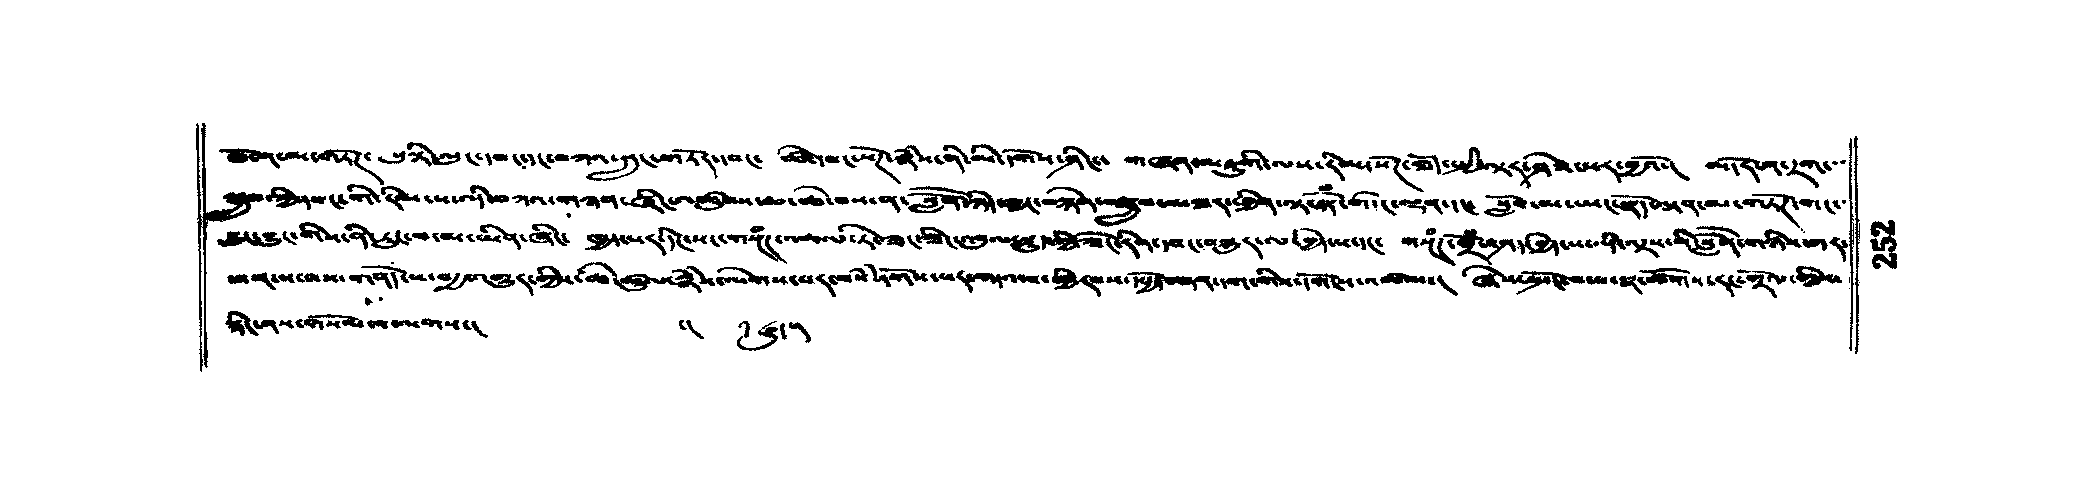ཁོ་ན་མ་གཏོགས། ལུང་དབང་དང་བཀའ་སྲུང་གཏོར་དབང་། ཚེ་དབང་སོགས་རྣམས་ནི་མི་དགོས་ཤིང་། གཞན་མཇུག་གི་ལས་སོགས་ཐམས་ཅད་སྤྱི་ལྟར་ཤེས་པར་བྱའོ། མདོར་ན་དྲག་
སྒྲུབ་ཀྱི་དབང་གི་རིམ་པ་འདི་བཀའ་གཉན་ཞིང་འཚུབ་ཆ་ཆེ་བས་ན། སློབ་དཔོན་ཉིད་ཀྱང་བསྙེན་སྒྲུབ་མཐར་ཕྱིན་ལྟ་སྒོམ་མན་ངག་དང་ལྡན་དང་། སློབ་མ་ཡང་སྣོད་ལྡན་མ་གཏོགས་གང་
བྱུང་བྱུང་གིས་ནི་རུང་བ་མ་ཡིན་ཞིང་། ཁྱད་པར་དིང་སང་གསང་སྔགས་འཆལ་ཏེ་ཟང་ཟིང་འབུལ་ནུས་ཀྱི་ཟོང་རིན་དབང་བསྐུར་ལ་བྱེད་པ་དང་། གསང་སྔགས་ཁྲོམ་བཤད་བྱེད་པ་འདི་འདྲས་ནི་སློབ་དཔོན་གཉིས་ཀར་
ཕན་པ་བས་གནོད་པ་བརྒྱ་འགྱུར་་གྱི་ཆེ་ཚུལ་རྣམས་ལེགས་པར་བསམ་དགོས་པར་གདའ་བས་ཕྱི་རབས་དཔྱོད་ལྡན་དག་གིས་དགོངས་འཚལ།ཞེས་སྤོང་བ་སྣ་ཚོགས་རང་གྲོལ་གྱིས་
སྙིང་ནས་གསོལ་བ་ལགས།